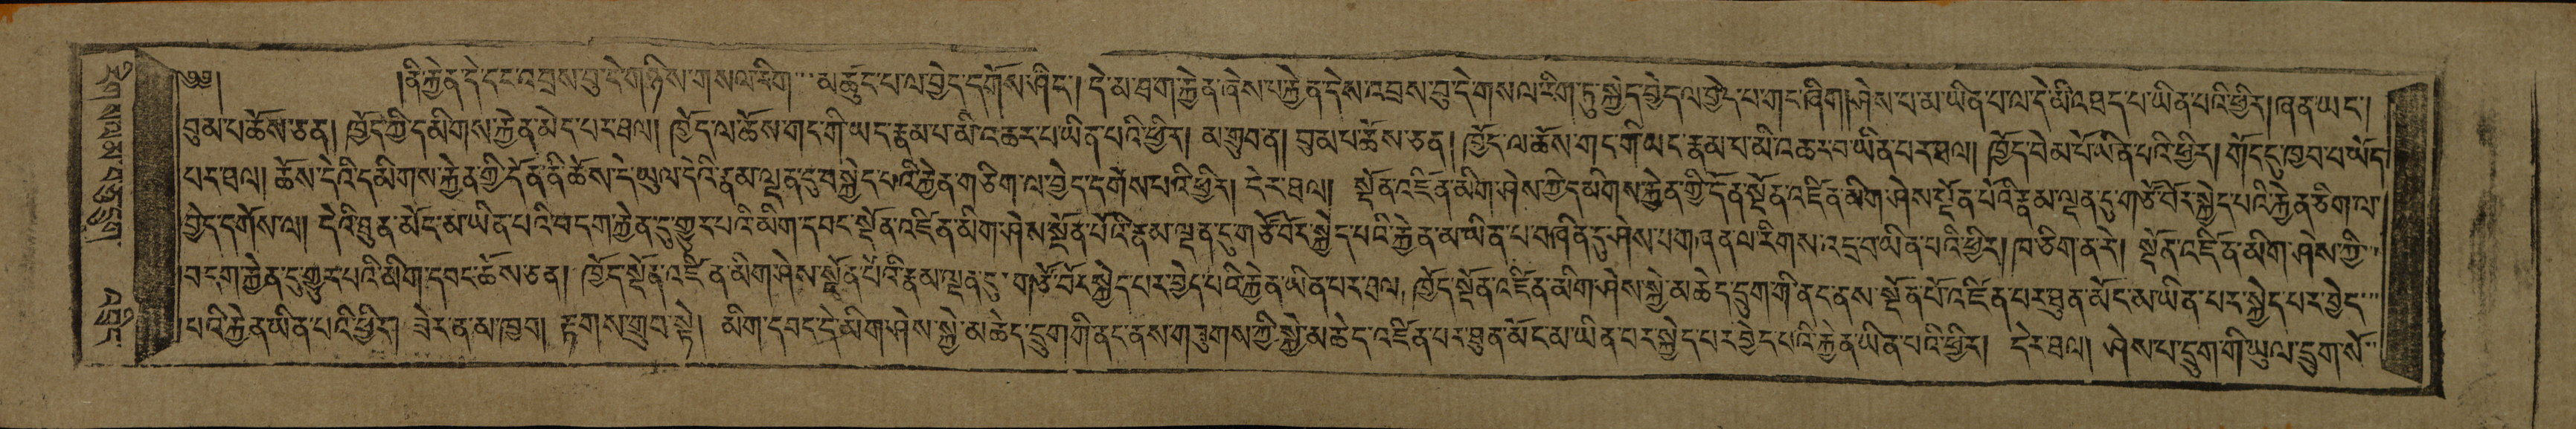༄༅། །ནི་རྐྱེན་དེ་དང་འབྲས་བུ་དེ་གཉིས་གསལ་རིག་མཚུང་པ་ལ་བྱེད་དགོས་ཤིང་། དེ་མ་ཐག་རྐྱེན་ཞེས་པ་རྐྱེན་དེས་འབྲས་བུ་དེ་གསལ་རིག་ཏུ་སྐྱེད་བྱེད་ལ་བྱེད་པ་གང་ཞིག །ཤེས་པ་མ་ཡིན་པ་ལ་དེ་མི་འཐད་པ་ཡིན་པའི་ཕྱིར། ཞན་ཡང་།
བུམ་པ་ཆོས་ཅན། ཁྱོད་ཀྱི་དམིགས་རྐྱེན་མེད་པར་ཐལ། ཁྱོད་ལ་ཆོས་གང་གི་ཡང་རྣམ་པ་མི་འཆར་པ་ཡིན་པའི་ཕྱིར། མ་གྲུབ་ན། བུམ་པ་ཆོས་ཅན། ཁྱོད་ལ་ཆོས་གང་གི་ཡང་རྣམ་པ་མི་འཆར་བ་ཡིན་པར་ཐལ། ཁྱོད་བེམ་པོ་ཡིན་པའི་ཕྱིར། གོང་དུ་ཁྱབ་པ་ཡོད་
པར་ཐལ། ཆོས་དེའི་དམིགས་རྐྱེན་གྱི་དོན་ནི་ཆོས་དེ་ཡུལ་དེའི་རྣམ་ལྡན་དུ་བསྐྱེད་པའི་རྐྱེན་གཅིག་ལ་བྱེད་དགོས་པའི་ཕྱིར། དེར་ཐལ། སྔོན་འཛིན་མིག་ཤེས་ཀྱི་དམིགས་རྐྱེན་གྱི་དོན་སྔོན་འཛིན་མིག་ཤེས་སྔོན་པོའི་རྣམ་ལྡན་དུ་གཙོ་བོར་སྐྱེད་པའི་རྐྱེན་ཅིག་ལ་
བྱེད་དགོས་ལ། དེའི་ཐུན་མོང་མ་ཡིན་པའི་བདག་རྐྱེན་དུ་གྱུར་པའི་མིག་དབང་སྔོན་འཛིན་མིག་ཤེས་སྔོན་པོའི་རྣམ་ལྡན་དུ་གཙོ་བོར་སྐྱེད་པའི་རྐྱེན་མ་ཡིན་པ་བཞིན་དུ་ཤེས་པ་གཞན་ལ་རིགས་འདྲ་བ་ཡིན་པའི་ཕྱིར། ཁ་ཅིག་ན་རེ། སྔོན་འཛིན་མིག་ཤེས་ཀྱི་
བདག་རྐྱེན་དུ་གྱུར་པའི་མིག་དབང་ཆོས་ཅན། ཁྱོད་སྔོན་འཛིན་མིག་ཤེས་སྔོན་པོའི་རྣམ་ལྡན་དུ་གཙོ་བོར་སྐྱེད་པར་བྱེད་པའི་རྐྱེན་ཡིན་པར་ཐལ། ཁྱོད་སྔོན་འཛིན་མིག་ཤེས་སྐྱེ་མཆེད་དྲུག་གི་ནང་ནས་སྔོན་པོ་འཛིན་པར་ཐུན་མོང་མ་ཡིན་པར་སྐྱེད་པར་བྱེད་
པའི་རྐྱེན་ཡིན་པའི་ཕྱིར། ཟེར་ན་མ་ཁྱབ། རྟགས་གྲུབ་སྟེ། མིག་དབང་དེ་མིག་ཤེས་སྐྱེ་མཆེད་དྲུག་གི་ནང་ནས་གཟུགས་ཀྱི་སྐྱེ་མཆེད་འཛིན་པར་ཐུན་མོང་མ་ཡིན་པར་སྐྱེད་པར་བྱེད་པའི་རྐྱེན་ཡིན་པའི་ཕྱིར། དེར་ཐལ། ཤེས་པ་དྲུག་གི་ཡུལ་དྲུག་སོ་